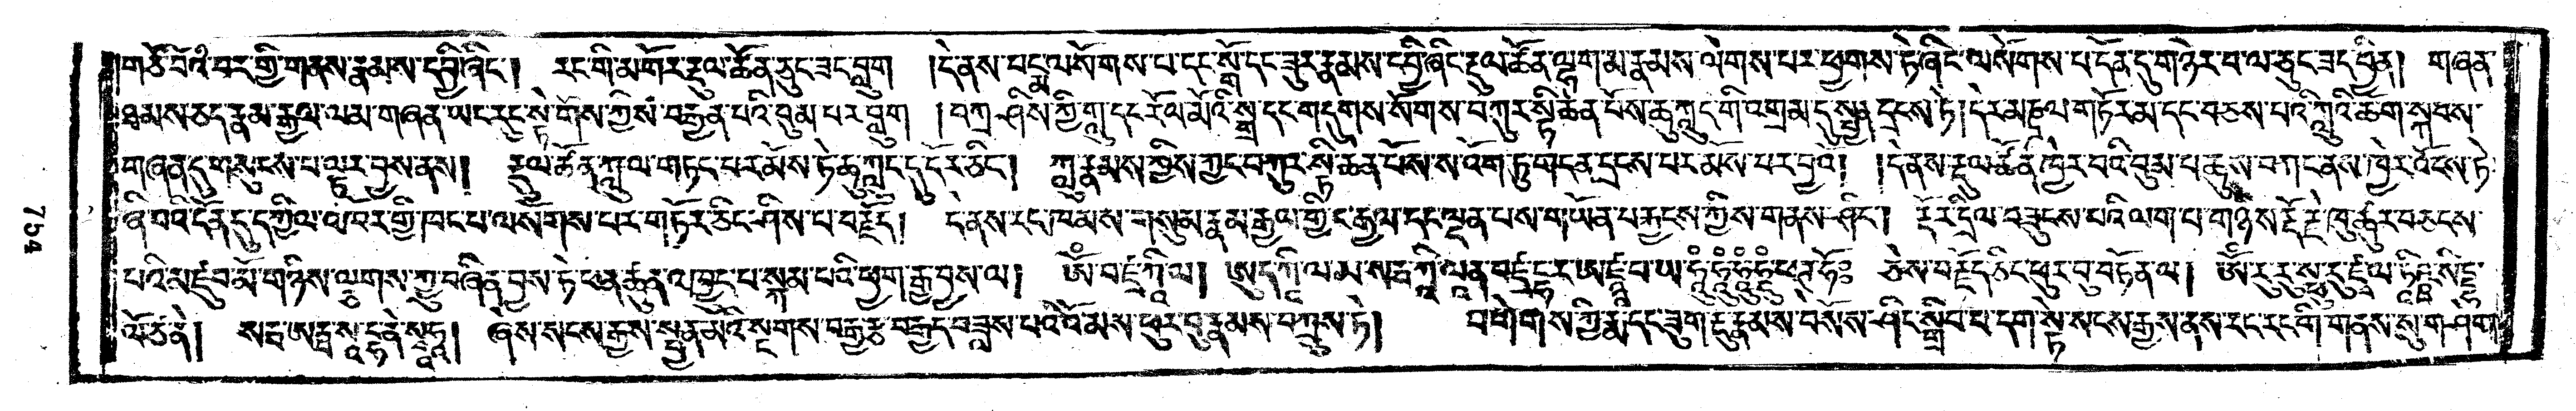གཙོ་བོའི་བར་གྱི་གནས་རྣམས་དབྱི་ཞིང་། རང་གི་མགོར་རྡུལ་ཚོན་ཅུང་ཟང་བླུག །དེ་ནས་པདམ་ལ་སོགས་པ་དང་སྒོ་དང་ཟུར་རྣམས་དབྱི་ཞིང་རྡུལ་ཚོན་ལྷག་མ་རྣམས་ལེགས་པར་ཕྱགས་ཏེ་ཞིང་ལ་སོགས་པ་དོན་དུ་གཉེར་བ་ལ་ཅུང་ཟད་བྱིན། གཞན་
ཐམས་ཅད་རྣམ་རྒྱལ་ལམ་གཞན་ཡང་རུང་སྟེ་གོས་ཀྱིས་བརྒྱན་པའི་བུམ་པར་བླུག །བཀྲ་ཤིས་ཀྱི་གླུ་དང་རོལ་མོའི་སྒྲ་དང་གདུགས་སོགས་བཀུར་སྟི་ཆེན་པོས་ཆུ་ཀླུང་གི་འགྲམ་དུ་སྤྱན་དྲངས་ཏེ། དེར་མཎྜལ་གཏོར་མ་དང་བཅས་པའི་ཀླུའི་ཆོ་ག་སྐབས་
གཞན་དུ་གསུངས་པ་ལྟར་བྱས་ནས། རྡུལ་ཚོན་ཀླུ་ལ་གཏང་པར་མོས་ཏེ་ཆུ་ཀླུང་དུ་དོར་ཅིང་། ཀླུ་རྣམས་ཀྱིས་ཀྱང་བཀུར་སྟི་ཆེན་པོས་ས་འོག་ཏུ་གདན་དྲངས་པར་མོས་པར་བྱའོ། །དེ་ནས་རྡུལ་ཚོན་ཁྱེར་བའི་བུམ་པ་ཆུས་བཀང་ནས་ཁྱེར་འོངས་ཏེ་
ཞི་བའི་དོན་དུ་དཀྱིལ་འཁོར་གྱི་ཁང་པ་ལ་སོགས་པར་གཏོར་ཅིང་ཤིས་པ་བརྗོད། དེ་ནས་རང་ཁམས་གསུམ་རྣམ་རྒྱལ་གྱི་ང་རྒྱལ་དང་ལྡན་པས་གཡོན་པ་རྐྱངས་ཀྱིས་གནས་ཤིང་། རྡོར་དྲིལ་བཟུངས་པའི་ལག་པ་གཉིས་རྡོ་རྗེ་ཁུ་ཚུར་བཅངས་
པའི་མཛུབ་མོ་གཉིས་ལྕགས་ཀྱུ་བཞིན་བྱས་ཏེ་ཕན་ཚུན་འཁྱུད་པ་སྐམ་པའི་ཕྱག་རྒྱ་བྱས་ལ། ཨོཾ་བཛྲ་ཀཱི་ལ། ཨུ་ད་ཀཱི་ལ་མ་སརྦ་ཀཱི་ལའང་བཛྲ་དྷ་ར་ཨཛྙཱ་བ་ཡ་ཧཱུཾ་ཧཱུཾ་ཧཱུཾ་ཧཱུཾ་ཕཊ་ཧོཿ ཅེས་བརྗོད་ཅིང་ཕུར་བུ་བཏོན་ལ། ཨོཾ་རུ་རུ་སྥུ་རུ་ཛྭ་ལ་ཏཱིཥཊཿཨ་སིདྡྷ་
ལོ་ཙ་ནེ། སརྦ་ཨརྠ་སཱ་དྷ་ནེ་སྭཱཧཱ། ཞེས་སངས་རྒྱས་སྤྱན་མའི་སྔགས་བརྒྱ་རྩ་བརྒྱད་བཟླས་པའི་འོ་མས་ཕུར་བུ་རྣམས་བཀྲུས་ཏེ། བགེགས་ཀྱི་རྨ་དང་ཟུག་རྔུ་རྣམས་བསོས་ཤིང་སྒྲིབ་པ་དག་སྟེ་སངས་རྒྱས་ནས་རང་རང་གི་གནས་སུ་གཤེག་